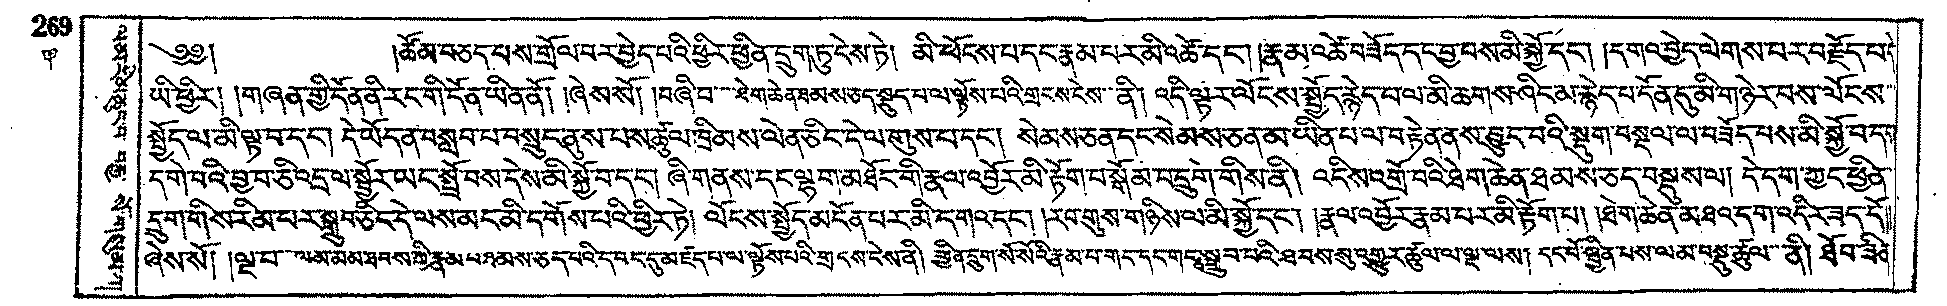༄༅། །ཚོམ་བཅད་པས་གྲོལ་བར་བྱེད་པའི་ཕྱིར་ཕྱིན་དྲུག་ཏུ་ངེས་ཏེ། མི་ཕོངས་པ་དང་རྣམ་པར་མི་འཚེ་དང་། །རྣམ་འཚེ་བཟོད་དང་བྱ་བས་མི་སྐྱོ་དང་། །དགའ་བྱེད་ལེགས་པར་བརྗོད་པ་དེ་
ཡི་ཕྱིར། །གཞན་གྱི་དོན་ནི་རང་གི་དོན་ཡིན་ནོ། །ཞེས་སོ། །བཞི་པཐེག་ཆེན་ཐམས་ཅད་སྡུད་པ་ལ་ལྟོས་པའི་གྲངས་ངེསནི། འདི་ལྟར་ལོངས་སྤྱོད་རྙེད་པ་ལ་མི་ཆགས་ཤིང་མ་རྙེད་པ་དོན་དུ་མི་གཉེར་བས་ལོངས་
སྤྱོད་ལ་མི་ལྟ་བ་དང་། དེ་ཡོད་ན་བསླབ་པ་བསྲུང་ནུས་པས་ཚུལ་ཁྲིམས་ལེན་ཅིང་དེ་ལ་གུས་པ་དང་། སེམས་ཅན་དང་སེམས་ཅན་མ་ཡིན་པ་ལ་བརྟེན་ནས་བྱུང་བའི་སྡུག་བསྔལ་ལ་བཟོད་པས་མི་སྐྱོ་བ་དང་།
དགེ་བའི་བྱ་བ་ཅི་འདྲ་ལ་སྦྱོར་ཡང་སྤྲོ་བས་དེས་མི་སྐྱོ་བ་དང་། ཞི་གནས་དང་ལྷག་མཐོང་གི་རྣལ་འབྱོར་མི་རྟོག་པ་སྒོམ་པ་དྲུག་གིས་ནི། འདིས་འགྲོ་བའི་ཐེག་ཆེན་ཐམས་ཅད་བསྡུས་ལ། དེ་དག་ཀྱང་ཕྱིན་
དྲུག་གིས་རིམ་པར་སྒྲུབ་ཅིང་དེ་ལས་མང་མི་དགོས་པའི་ཕྱིར་ཏེ། ལོངས་སྤྱོད་མངོན་པར་མི་དགའ་དང་། །རབ་གུས་གཉིས་ལ་མི་སྐྱོ་དང་། །རྣལ་འབྱོར་རྣམ་པར་མི་རྟོག་པ། །ཐེག་ཆེན་མཐའ་དག་འདིར་ཟད་དོ།།
ཞེས་སོ། །ལྔ་པལམ་མམ་ཐབས་ཀྱི་རྣམ་པ་ཐམས་ཅད་པའི་དབང་དུ་མཛད་པ་ལ་ལྟོས་པའི་གྲངས་ངེས་ནི། ཕྱིན་དྲུག་སོ་སོའི་རྣམ་པ་གང་དང་གང་སྒྲུབ་པའི་ཐབས་སུ་འགྱུར་ཚུལ་ལ་ལྔ་ལས། དང་པོ་སྦྱིན་པས་ལམ་བསྡུ་ཚུལནི། ཐོབ་ཟིན་